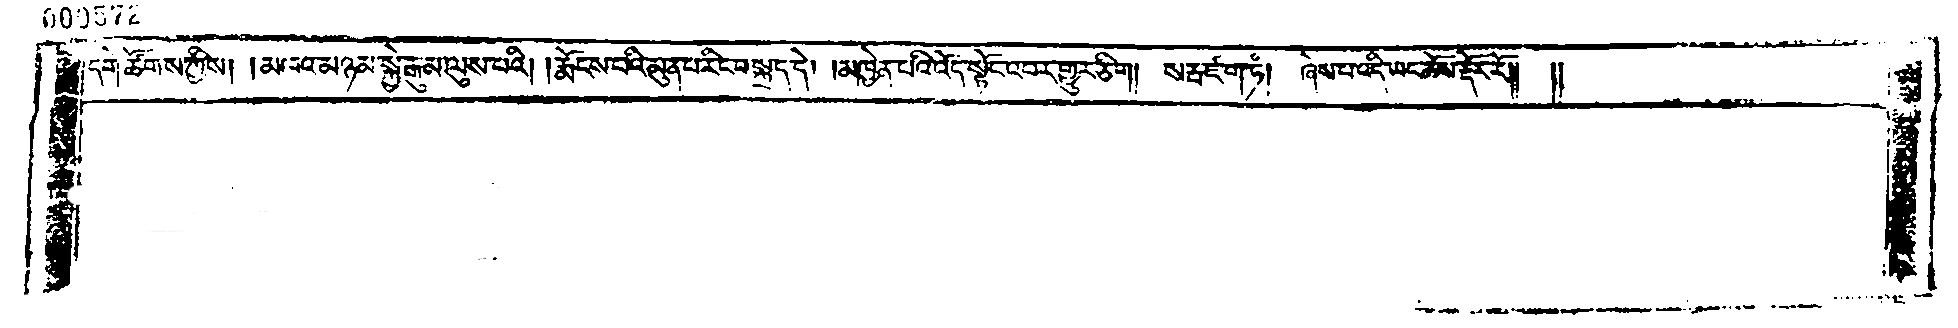དགེ་ཚོགས་ཀྱིས། །མཁའ་མཉམ་སྐྱེ་རྒུ་མ་ལུས་པའི། །རྨོངས་པའི་མུན་པ་རིང་བསྐྲད་དེ། །མཁྱེན་པའི་འོད་སྟོང་འབར་གྱུར་ཅིག །སརྦ་ཛ་ག་ཏཾ། ཞེས་པ་འདི་ཡང་ཆོས་རྡོར་རོ།། །།